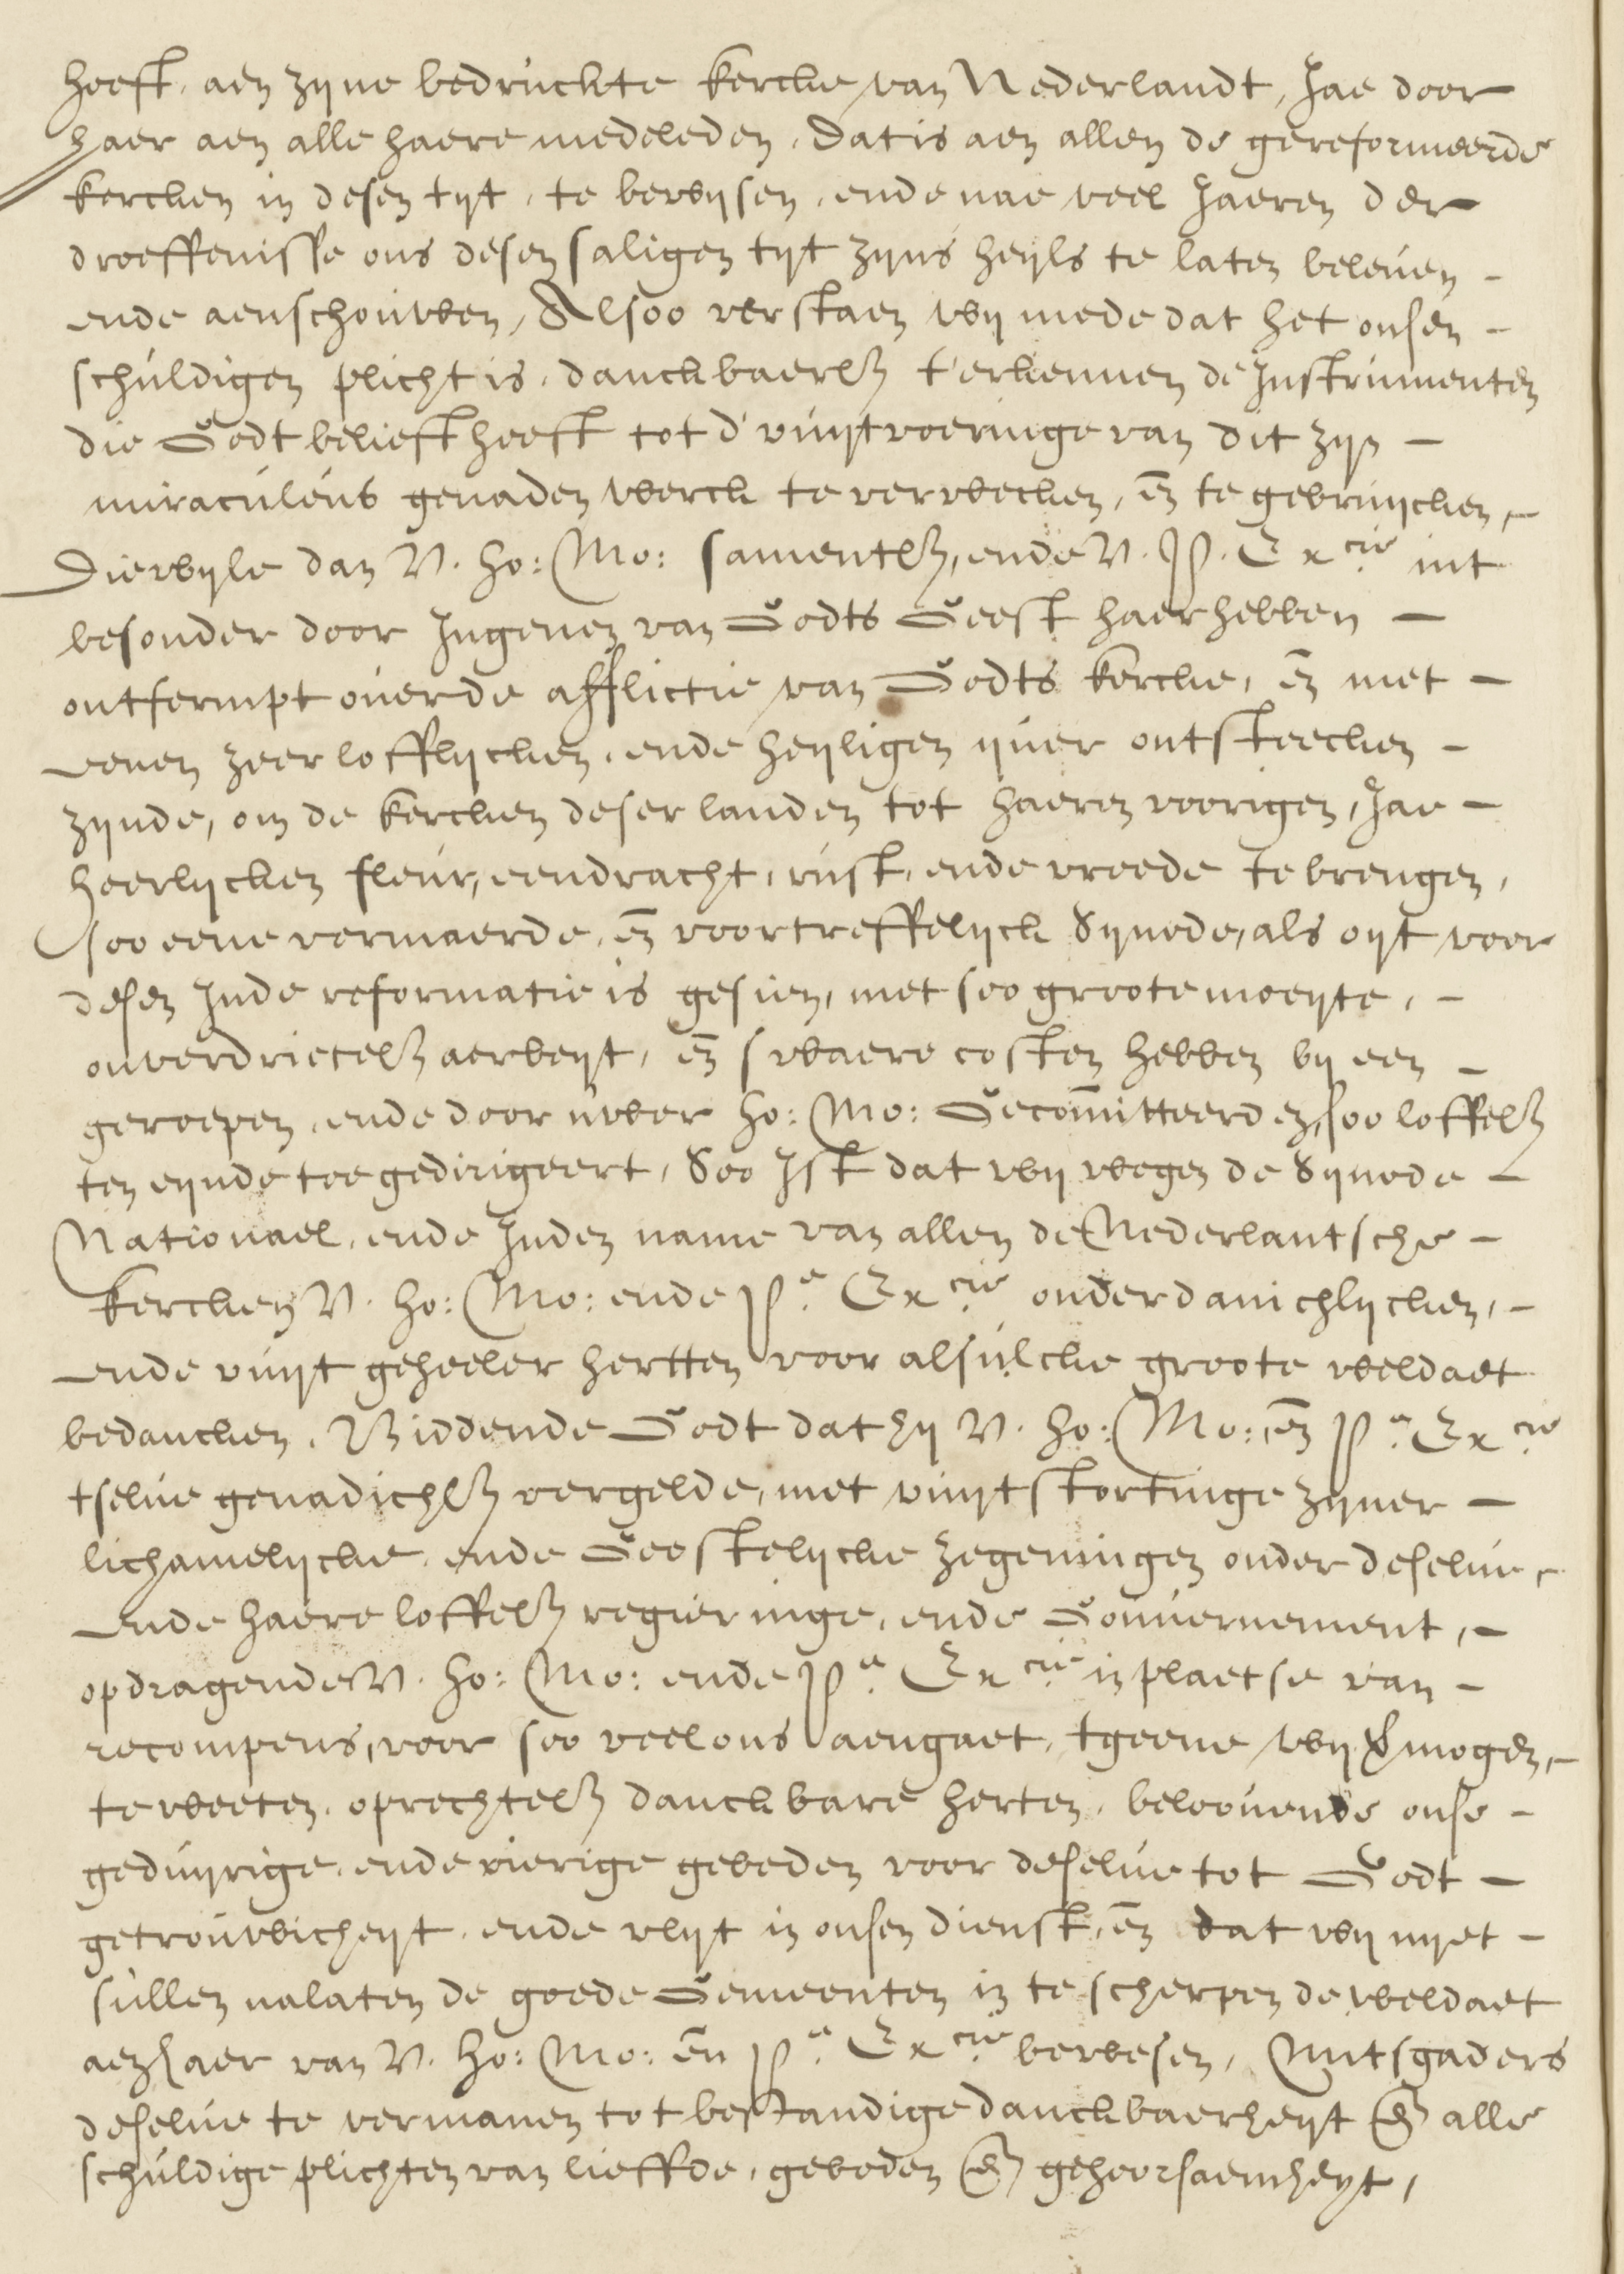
heeft, aen zyne bedruckte kercke van Nederlandt, Jae door
haer aen alle haere medeleden, dat is aen allen de gereformeerde
kercken in desen tyt, te bewysen, ende nae veel Jaeren der
droeffenisse ons desen saligen tyt zyns heyls te laten beleuen
ende aenschouwen. Alsoo verstaen wy mede dat het onsen
schuldigen plicht is, danckbaerl t‛erkennen de Instrumenten
die Godt belieft heeft tot d'vuytvoeringe van dit zyn
miraculeus genaden werck te verwecken, en te gebruycken,
Diewyle dan U. ho:Mo: samentl, ende U. P. Excie. int
besonder door Ingeuen van Godts Geest haer hebben
ontfermpt ouer de afflictie van Godts kercke, en met
eenen zeer lofflycken, ende heyligen yuer ontsteecken
zynde, om de kercken deser landen tot haeren voorigen, Jae
heerlycken fleur, eendracht, rust, ende vreede te brengen,
soo eene vermaerde, en voortreffelyck Synode, als oyt voor
desen Inde reformatie is gesien, met soo groote moeyte,
onverdrietel aerbeyt, en swaere costen hebben by een
geroepen, ende door uwer ho:Mo: Gecomitteerden, soo loffel
ten eynde toe gedirigeert, Soo Ist dat wy wegen de Synode
Nationael, ende Inden name van allen de Nederlantsche
kercken U. ho:Mo: ende Pe. Excie onderdanichlycken,
ende vuyt geheeler hertten voor alsulcke groote weldaet
bedancken, Biddende Godt dat hij U. ho:Mo:, en Pe. Excie.
tselue genadichl vergelde, met vuytstortinge zyner
lichamelycke, ende Geestelycke zegeningen onder deselue
ende haere loffel regieringe, ende Gouuernement,
opdragende U. ho:Mo: ende Pe. Excie. in plaetse van
recompens, voor soo veel ons aengaet, tgeene wy &mogen,
te weeten, oprechtel danckbare herten, beloonende onse
geduyrige, ende vierige gebeden voor deselue tot Godt
getrouwicheyt, ende vlyt in onsen dienst, en dat wy nyet
sullen nalaten de goede Gemeenten in te scherpen de weldaet
aen haer van U. ho:Mo: en Pe. Excie. bewesen, mitsgaders
deselue te vermanen tot bestandige danckbaerheyt & alle
schuldige plichten van lieffde, geboden & gehoorsaemheyt.
